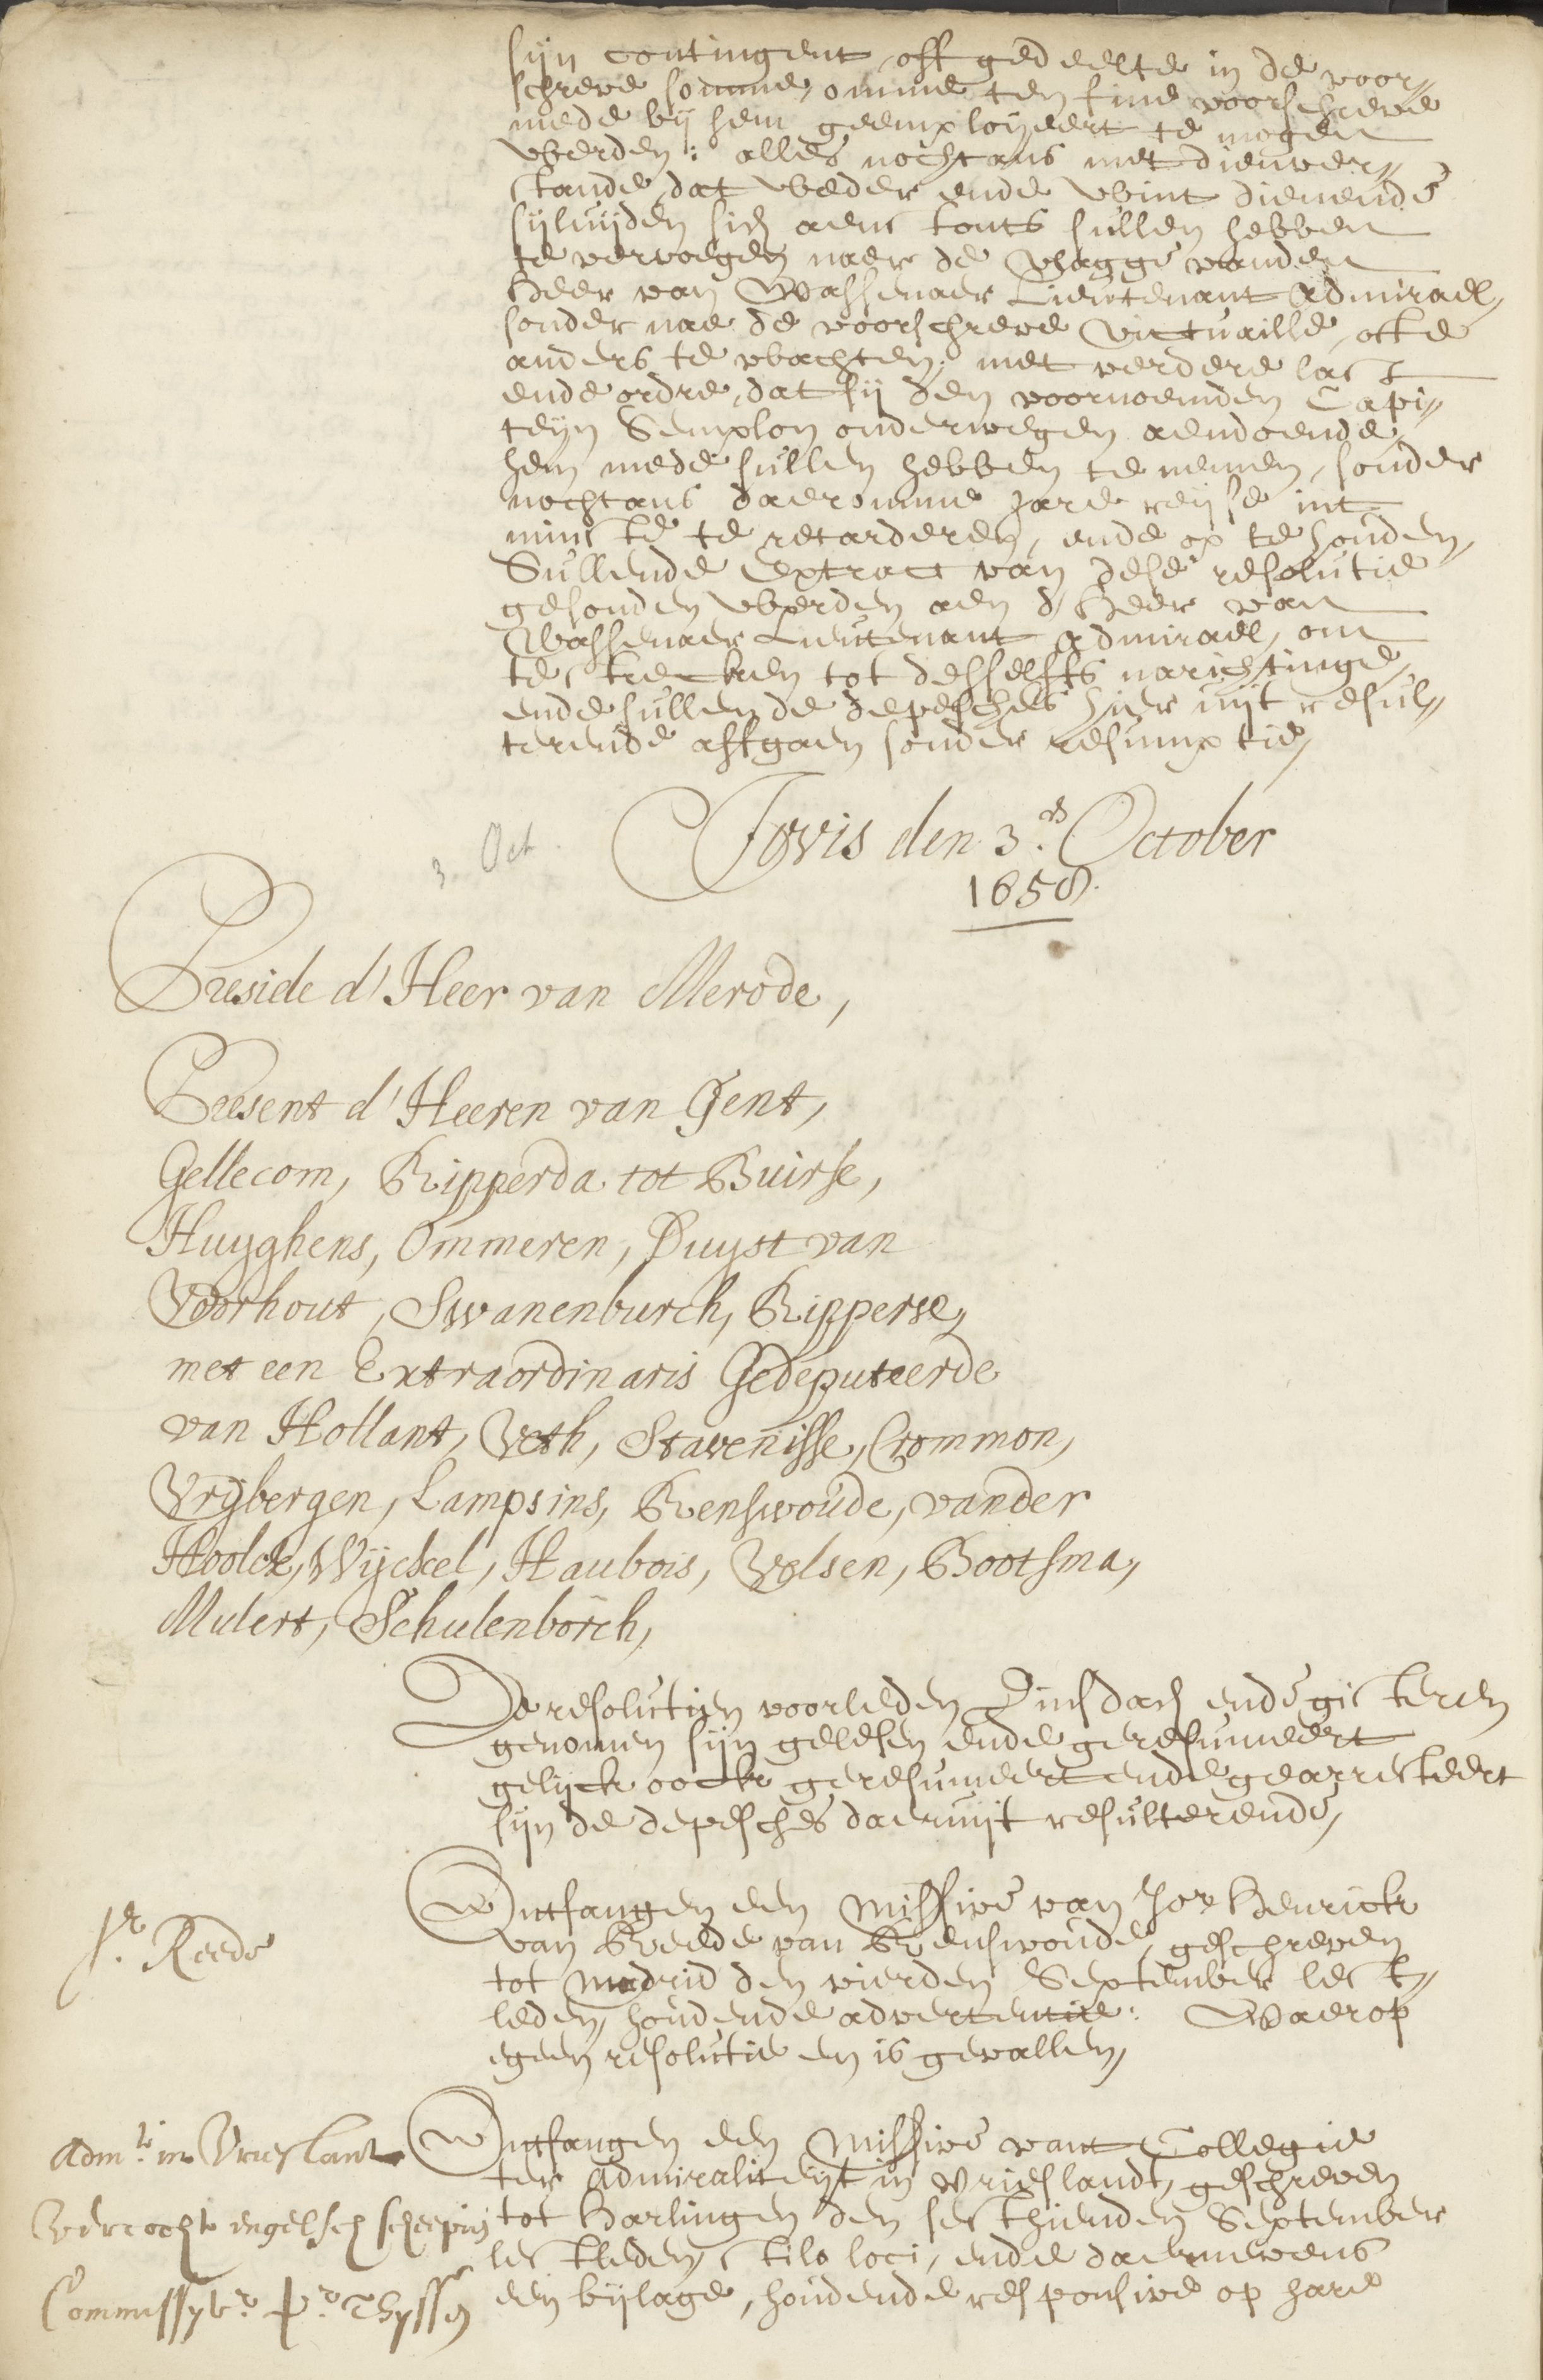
sijn contingent, oft gedeelte in de voor„
schreve somme, omme ten fine voorschreve
mede bij hem geemploijeert te mogen
werden: alles nochtans met dienver„
stande, dat weder ende wint dienende
sijluijden sich aens stonts sullen hebben
te vervoegen naer de vlagge vanden
Heer van Wassenaer Lieutenant Admirael,
sonder nae de voorschreve victuaille, ofte
anders te wachten; met verdere last
ende ordre, dat sij den voornoemden Capi„
teijn Semplon onderwegen aendoende
hem mede sullen hebben te nemen, sonder
nochtans daeromme hare reijse int
minste te retarderen, ende op te houden.
Sullende extract van dese resolutie
gesonden werden aen d'Heer van
Wassenaer Lieutenant Admirael, om
te strecken tot desselffs narichtinge
ende sullen de depesches hier uijt resul,,
terende affgaen sonder resumptie.
3. Oct
Jovis den 3en. October
1658.
Preside d'Heer van Merode,
Present d'Heeren van Gent,
Gellecom, Ripperda tot Buirse,
Huyghens, Ommeren, Duyst van
Voorhout, Swanenburch, Ripperse,
met een Extraordinaris Gedeputeerde
van Hollant, Veth, Stavenisse, Crommon,
Vrijbergen, Lampsins, Renswoude, vander
Hoolck, Wijckel, Haubois, Velsen, Bootsma,
Mulert, Schulenborch,
De resolutien voorleden Dinsdach ende gisteren
genomen sijn gelesen ende geresumeert
gelijck oock geresumeert ende gearresteert
sijn de depesches daeruijt resulterende.
Jr. Reede
Ontfangen een missive van Jor. Henrick
van Reede van Renswoude, geschreven
tot Madrid den vierden September lest,,
leden, houdende advertentie: Waerop
egeen resolutie en is gevallen.
Admt. in Vrieslant
vercocht engelsch scheepien
Commissyvr. Pr. Thyssen
Ontfangen een missive vant Collegie
ter Admiraliteijt in Vrieslandt, geschreven
tot Harlingen den sesthienden September
lestleden, stilo loci, ende daernevens
een bijlage, houdende responsive op hare
